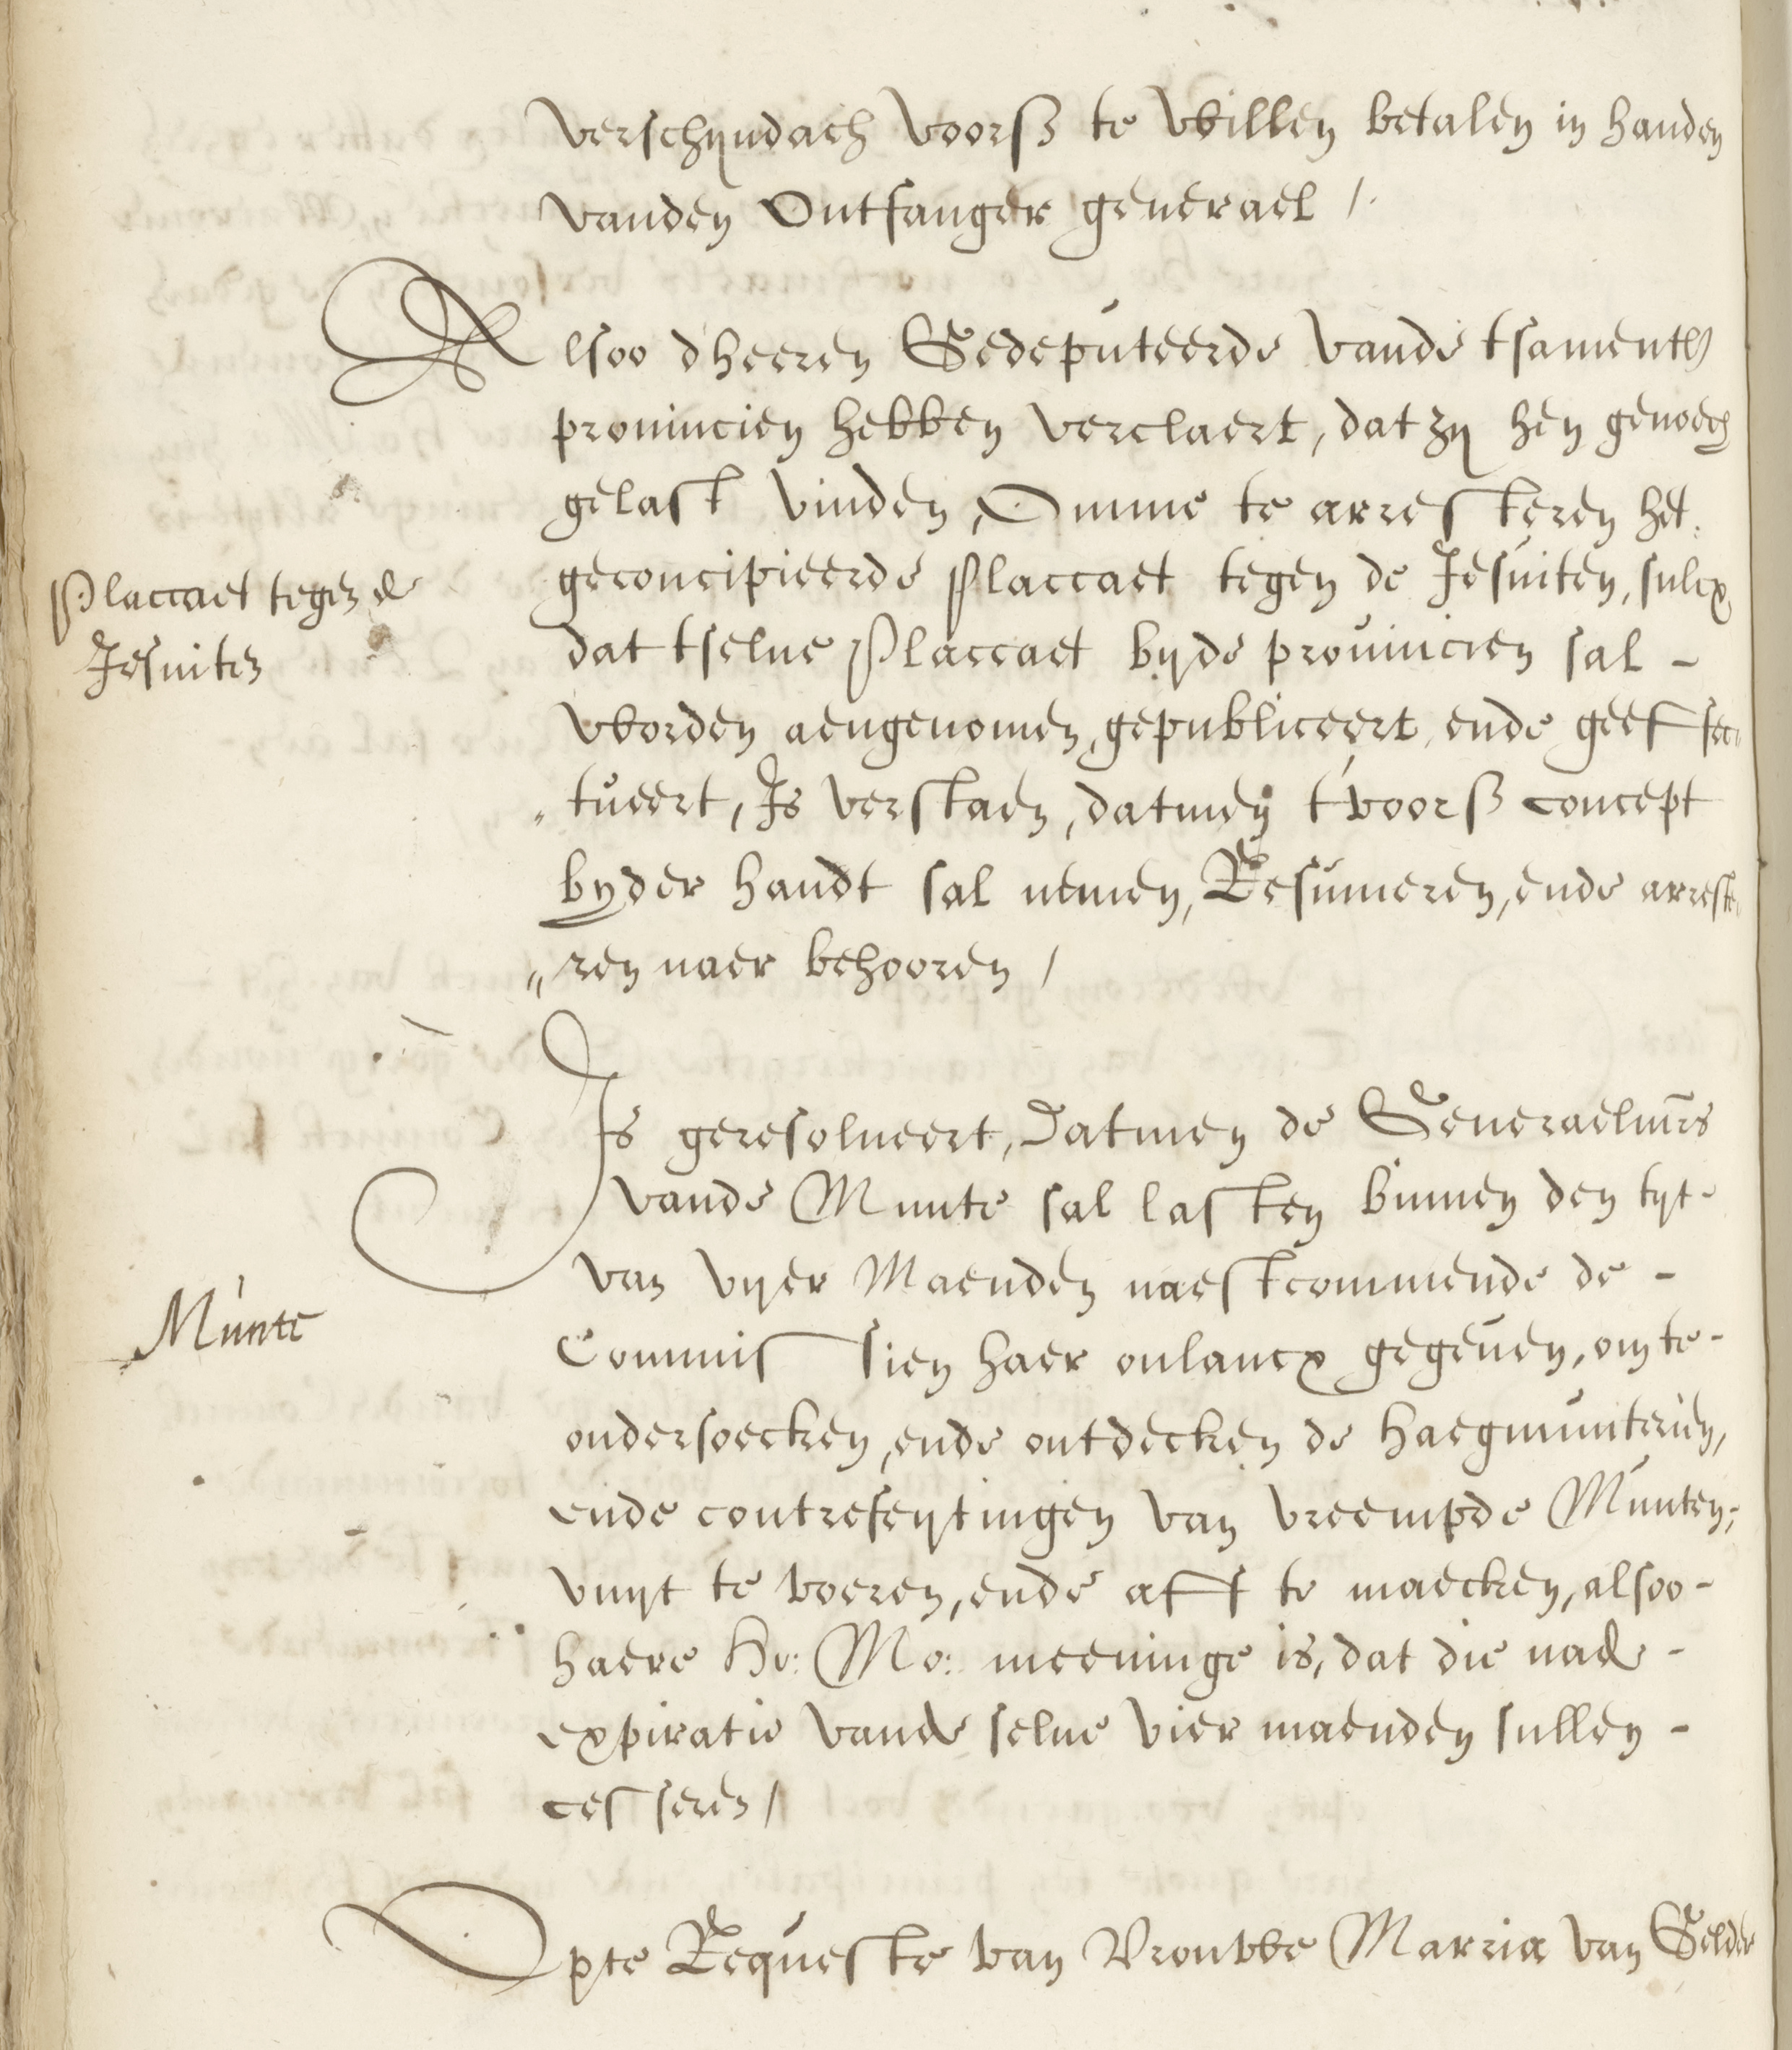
verschyndach voors te willen betalen in handen
vanden Ontfanger generael.
Placcaet tegen de
Jesuiten
Alsoo d'heeren Gedeputeerde vande tsamentl
prouincien hebben verclaert, dat zy hen genoech
gelast vinden, Omme te arresteren het
geconcipieerde Placcaet tegen de Jesuiten, sulcx
dat tselue Placcaet byde prouincien sal -
worden aengenomen, gepubliceert, ende geeffec„
„tueert, Is verstaen, datmen t‛voors concept
byde handt sal nemen, Resumeren, ende arreste„
„ren naer behooren.
Munte
Is geresolueert, datmen de Generaelmrs
vande Munte sal lasten binnen den tyt
van vyer Maenden naestcommende de -
Commissien haer onlancx gegeuen, om te -
ondersoecken, ende ontdecken de haegmunterien,
ende contrefeytingen van vreempde Munten, -
vuyt te voeren, ende aff te maecken, alsoo -
haere Ho:Mo: meeninge is, dat die nade -
expiratie vande selue vier maenden sullen -
cesseren.
Opte Requeste van Vrouwe Marria van Gelder
